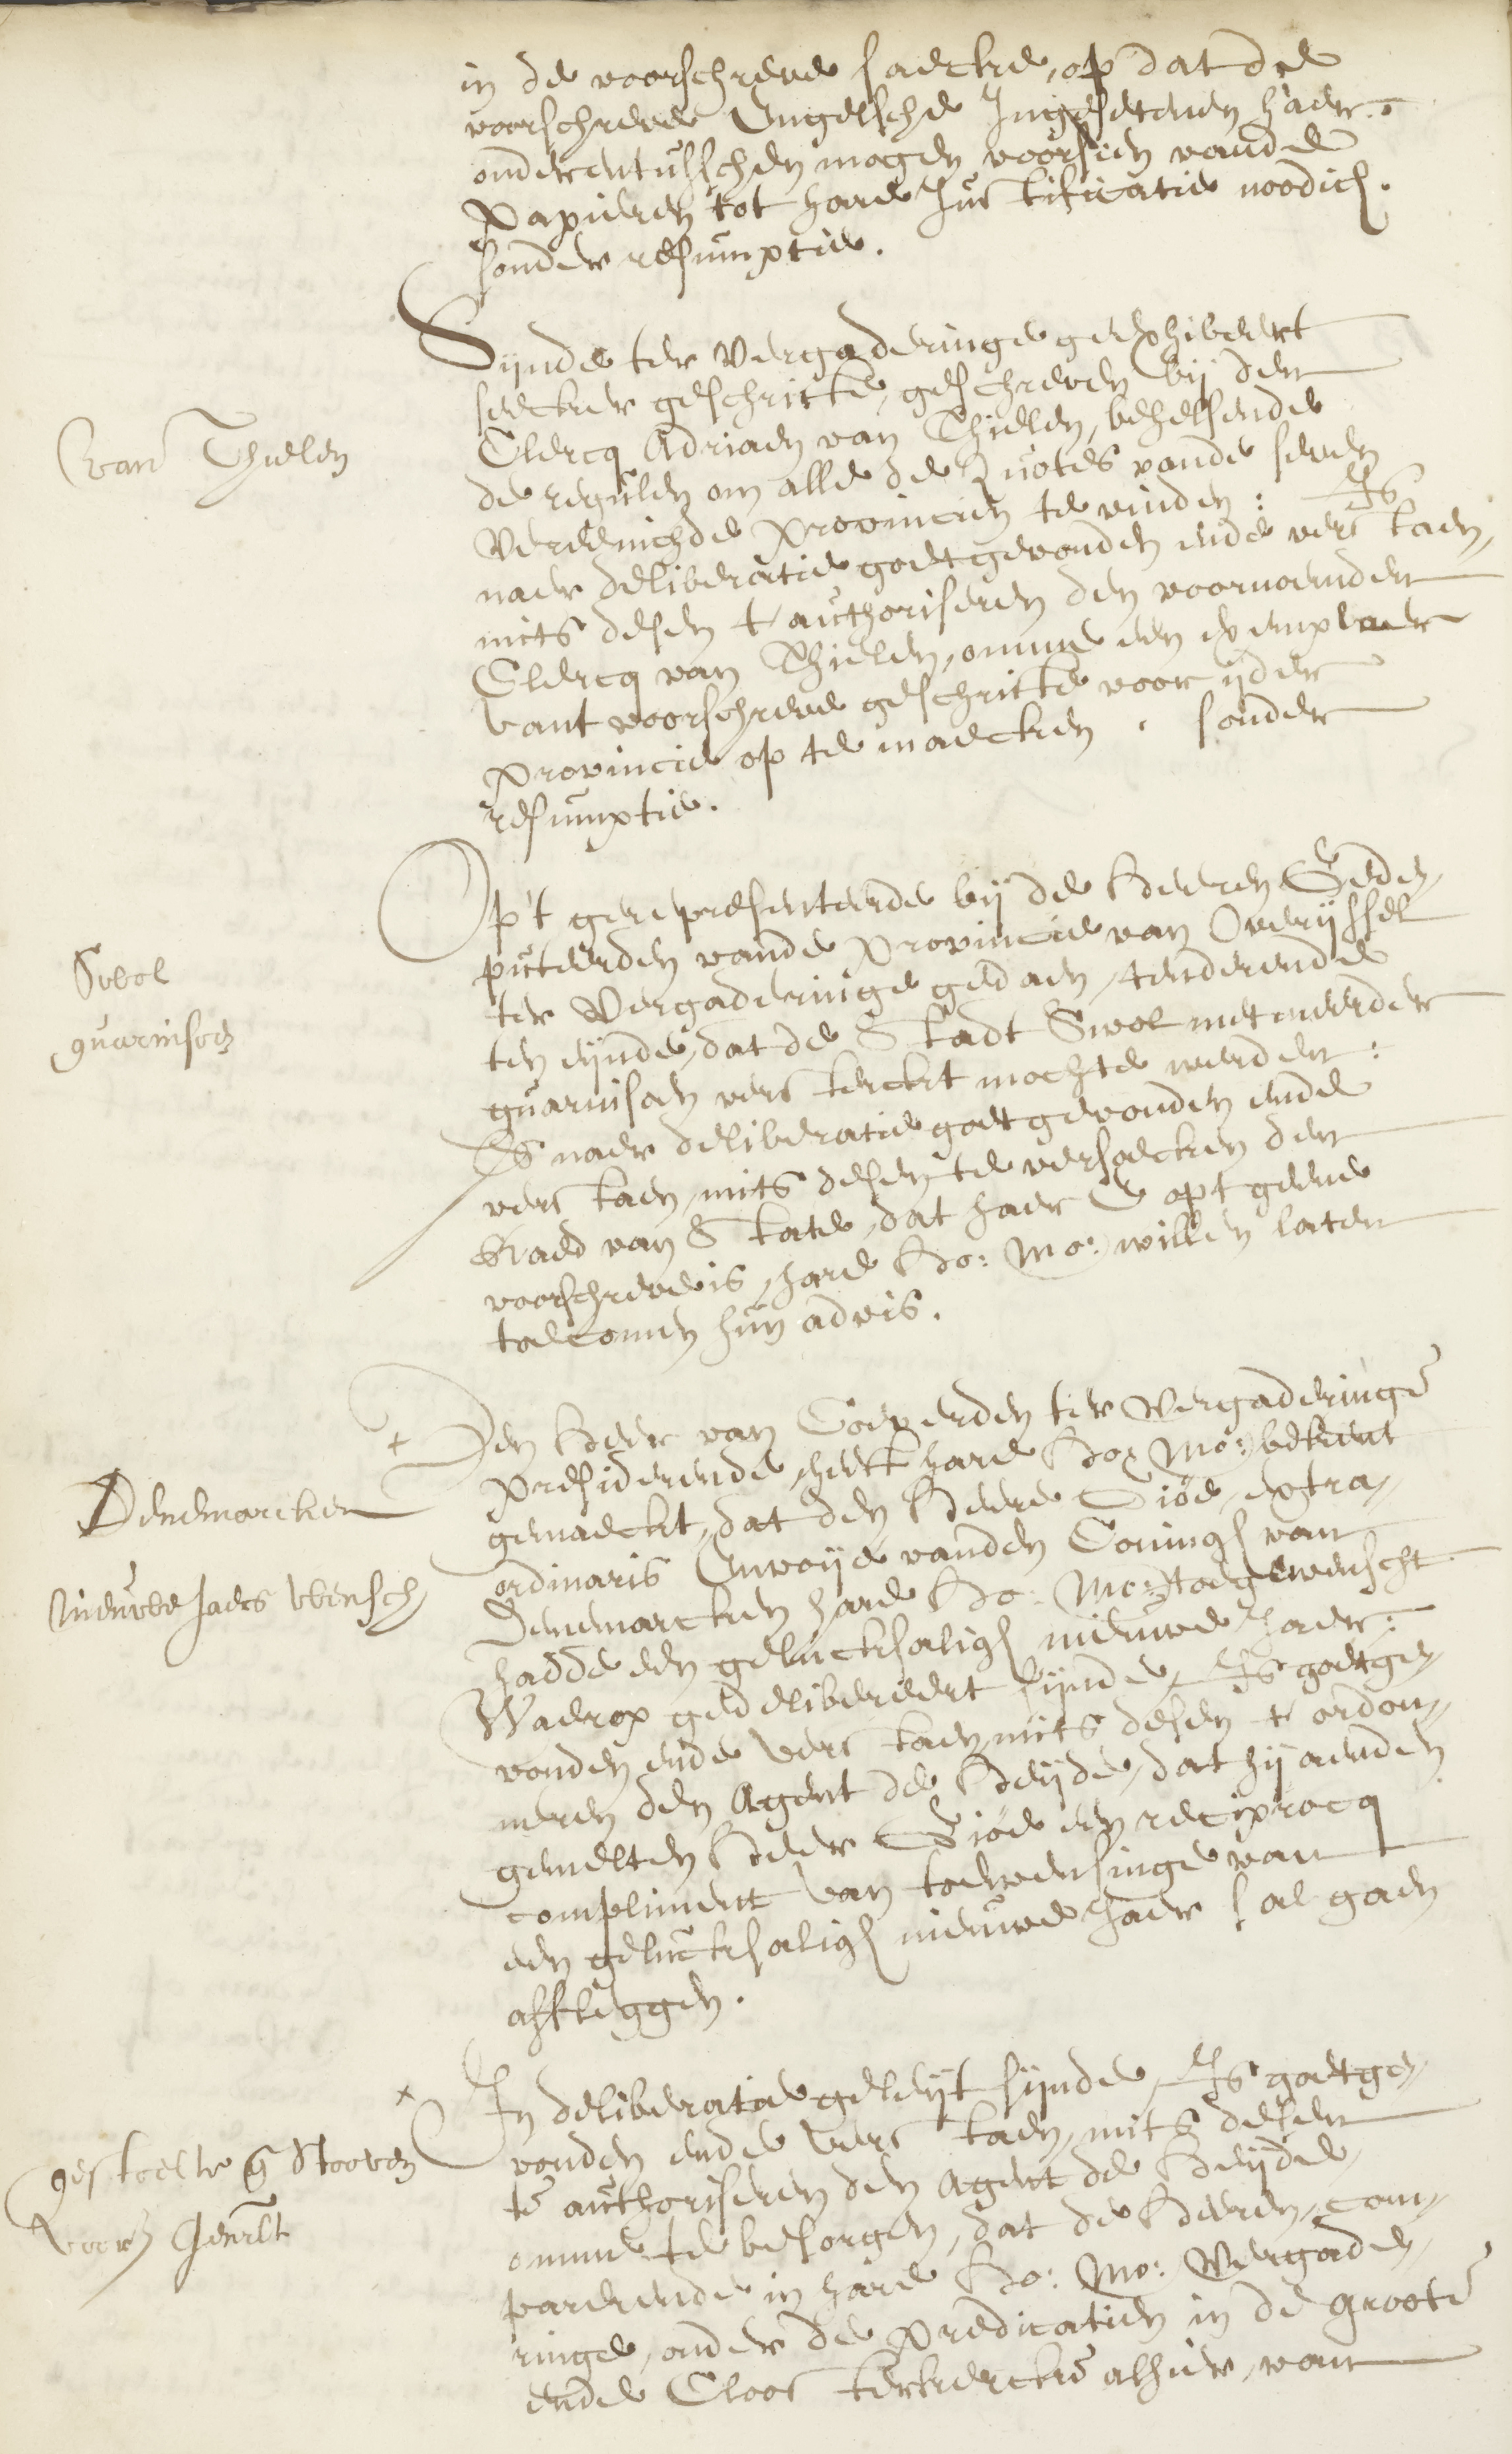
in de voorschreve saecke, op dat de
voorschreve Engelsche Ingesetenen haer
onderentusschen mogen voorsien vande
Papieren tot hare Justificatie noodich
sonder resumptie.
van Thielen
Sijnde ter Vergaderinge geexhibeert
seecker geschrifte geschreven bij den
Clercq Adriaen van Thielen, behelsende
de regulen om alle de Quotes vande seven
Vereenichde Provincien te vinden: Is
naer deliberatie goetgevonden ende verstaen
mits desen t'authoriseren den voornoemden
Clercq van Thielen, omme een exemplaer
vant voorschreve geschrifte voor ijder
Provincie op te maecken, sonder
resumptie.
Swol
guarnisoen
Op't gerepresenteerde bij de Heeren Gede,
puteerden vande Provincie van Overijssel
ter Vergaderinge gedaen, tenderende
ten eijnde, dat de Stadt Swol met meerder
guarnisoen versterckt mochte werden:
Is naer deliberatie goetgevonden ende
verstaen, mits desen te versoecken den
Raed van State, dat haer E. opt geene
voorschreve is, hare Ho:Mo: willen laten
toe comen hun advis.
Denemarcken
nieuwe Jaers wensch,
Den Heer van Coeverden ter Vergaderinge
presiderende, heeft hare Ho:Mo: bekent
gemaeckt, dat den Heere Giöe, extra,,
ordinaris Envoijé vanden Coningh van
Denemarcken hare Ho:Mo: toegewenscht
hadde een gelucksaligh nieuwe Jaer:
Waerop gedelibereert sijnde, Is goetge„
vonden ende verstaen, mits desen t' ordon„,
neren den Agent de Heijde, dat hij aenden
gemelten Heer Giöe een reciprocq
compliment van toewensinge van
een gelucksaligh nieuwe jaer sal gaen
affleggen.
gestoelte & stooven
voors Genrlt
In deliberatie geleijt sijnde, Is goetge„
vonden ende verstaen, mits desen
te authoriseren den agent de Heijde
omme te besorgen, dat de Heeren, com„
parerende in hare Ho:Mo: Vergade,
ringe, onder de predicatien in de groote
ende Cloosterkercke alhier, van
